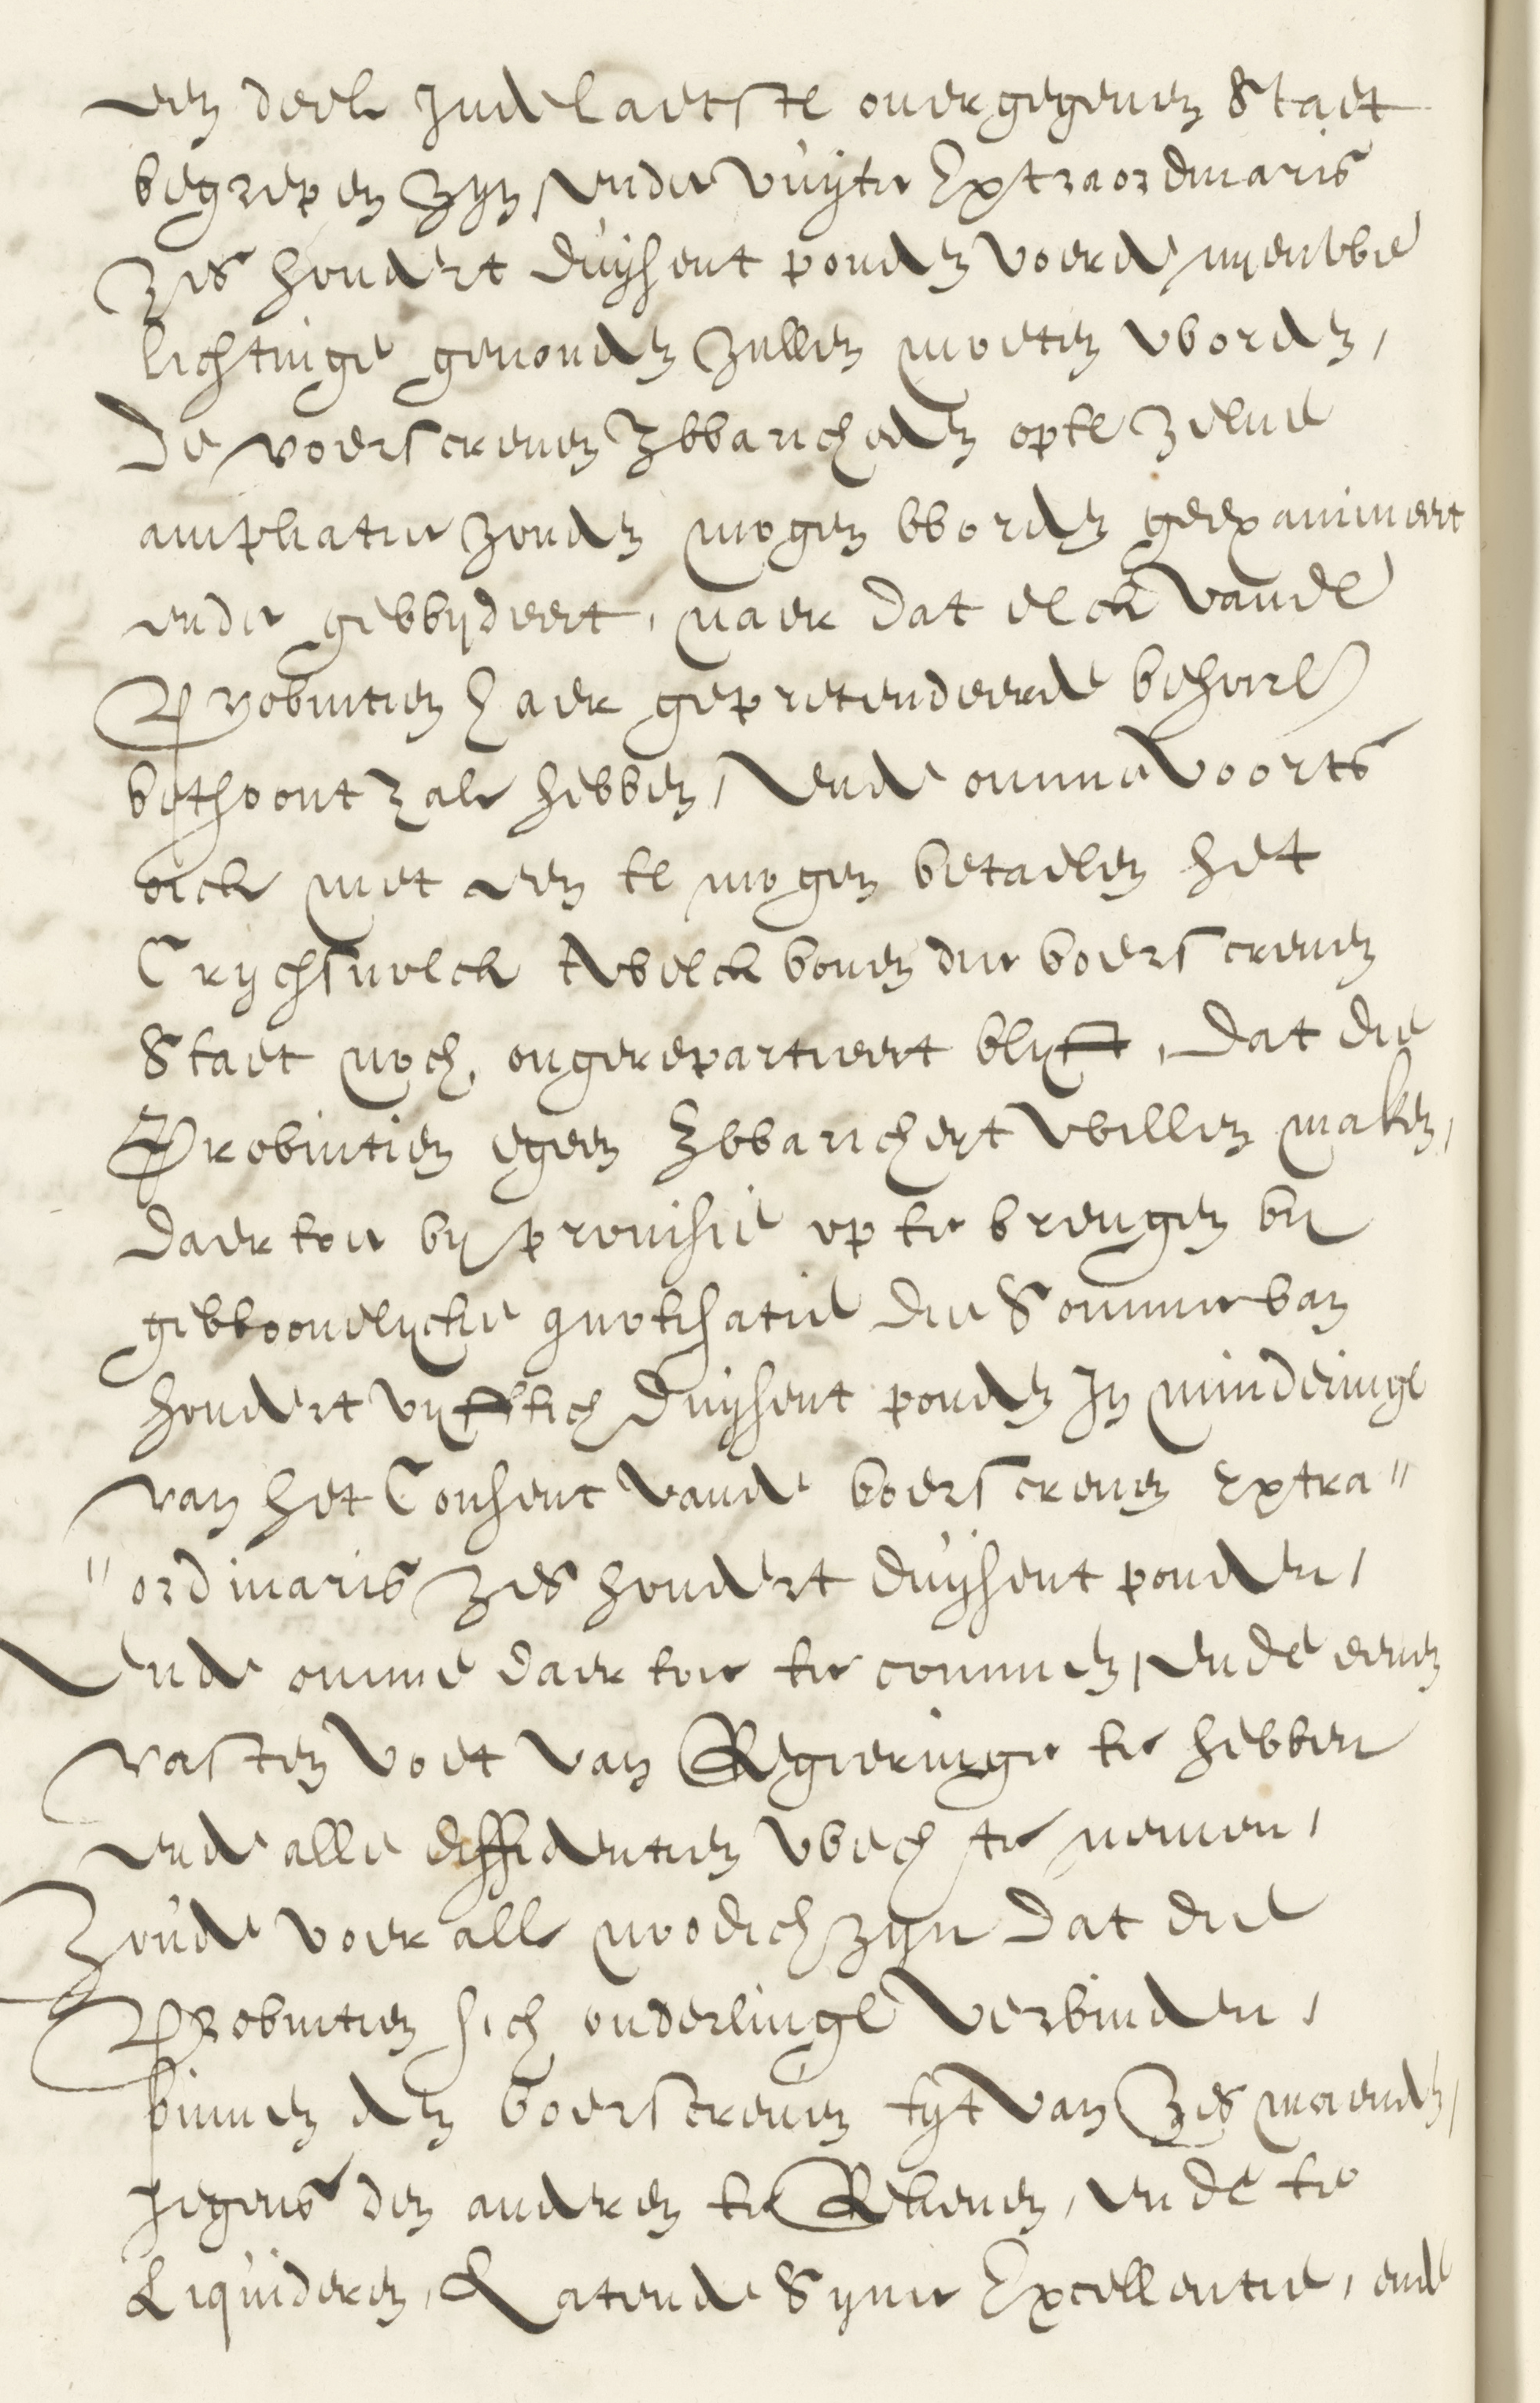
een deel inde laetste ouergegeuen staet
begrepen zijn ende vuijte Extraordinaris
zes hondert duijsent ponden voerde nyeuwe
lichtinge geuonden zullen moeten worden,
de voerscreuen zwaricheden opte zelue
ampliatie zouden mogen worden geexamineert
ende gewydeert naer dat elck vande
Provintien haer gepretendeerde behoirl
bethoont zal hebben. Ende omme voorts
oick met een te mogen betaelen het
crychsvolck twelkck bouen die voerscreven
staet noch ongerepartieert blyft, dat die
Provintien egeen zwaricheyt willen maken,
daer toe bij prouisie op te brengen by
gewoonelycke quotisatie die somme van
hondert vyftich duijsent ponden in minderingh
van het consent vande voerscreuen extra„
ordinaris zes hondert duijsent ponden.
Ende omme daer toe te commen, ende eenen
vasten voet van Regieringe te hebben
ende alle diffidenten wech te nemen,
zoude voer all noodich zijn dat die
Provintien sich onderlingh verbinden,
binnen den voerscreuen tyt van zes maenden
jegens den anderen te Rekenen, ende te
liquideren, latende sijne Excellentie, ende
